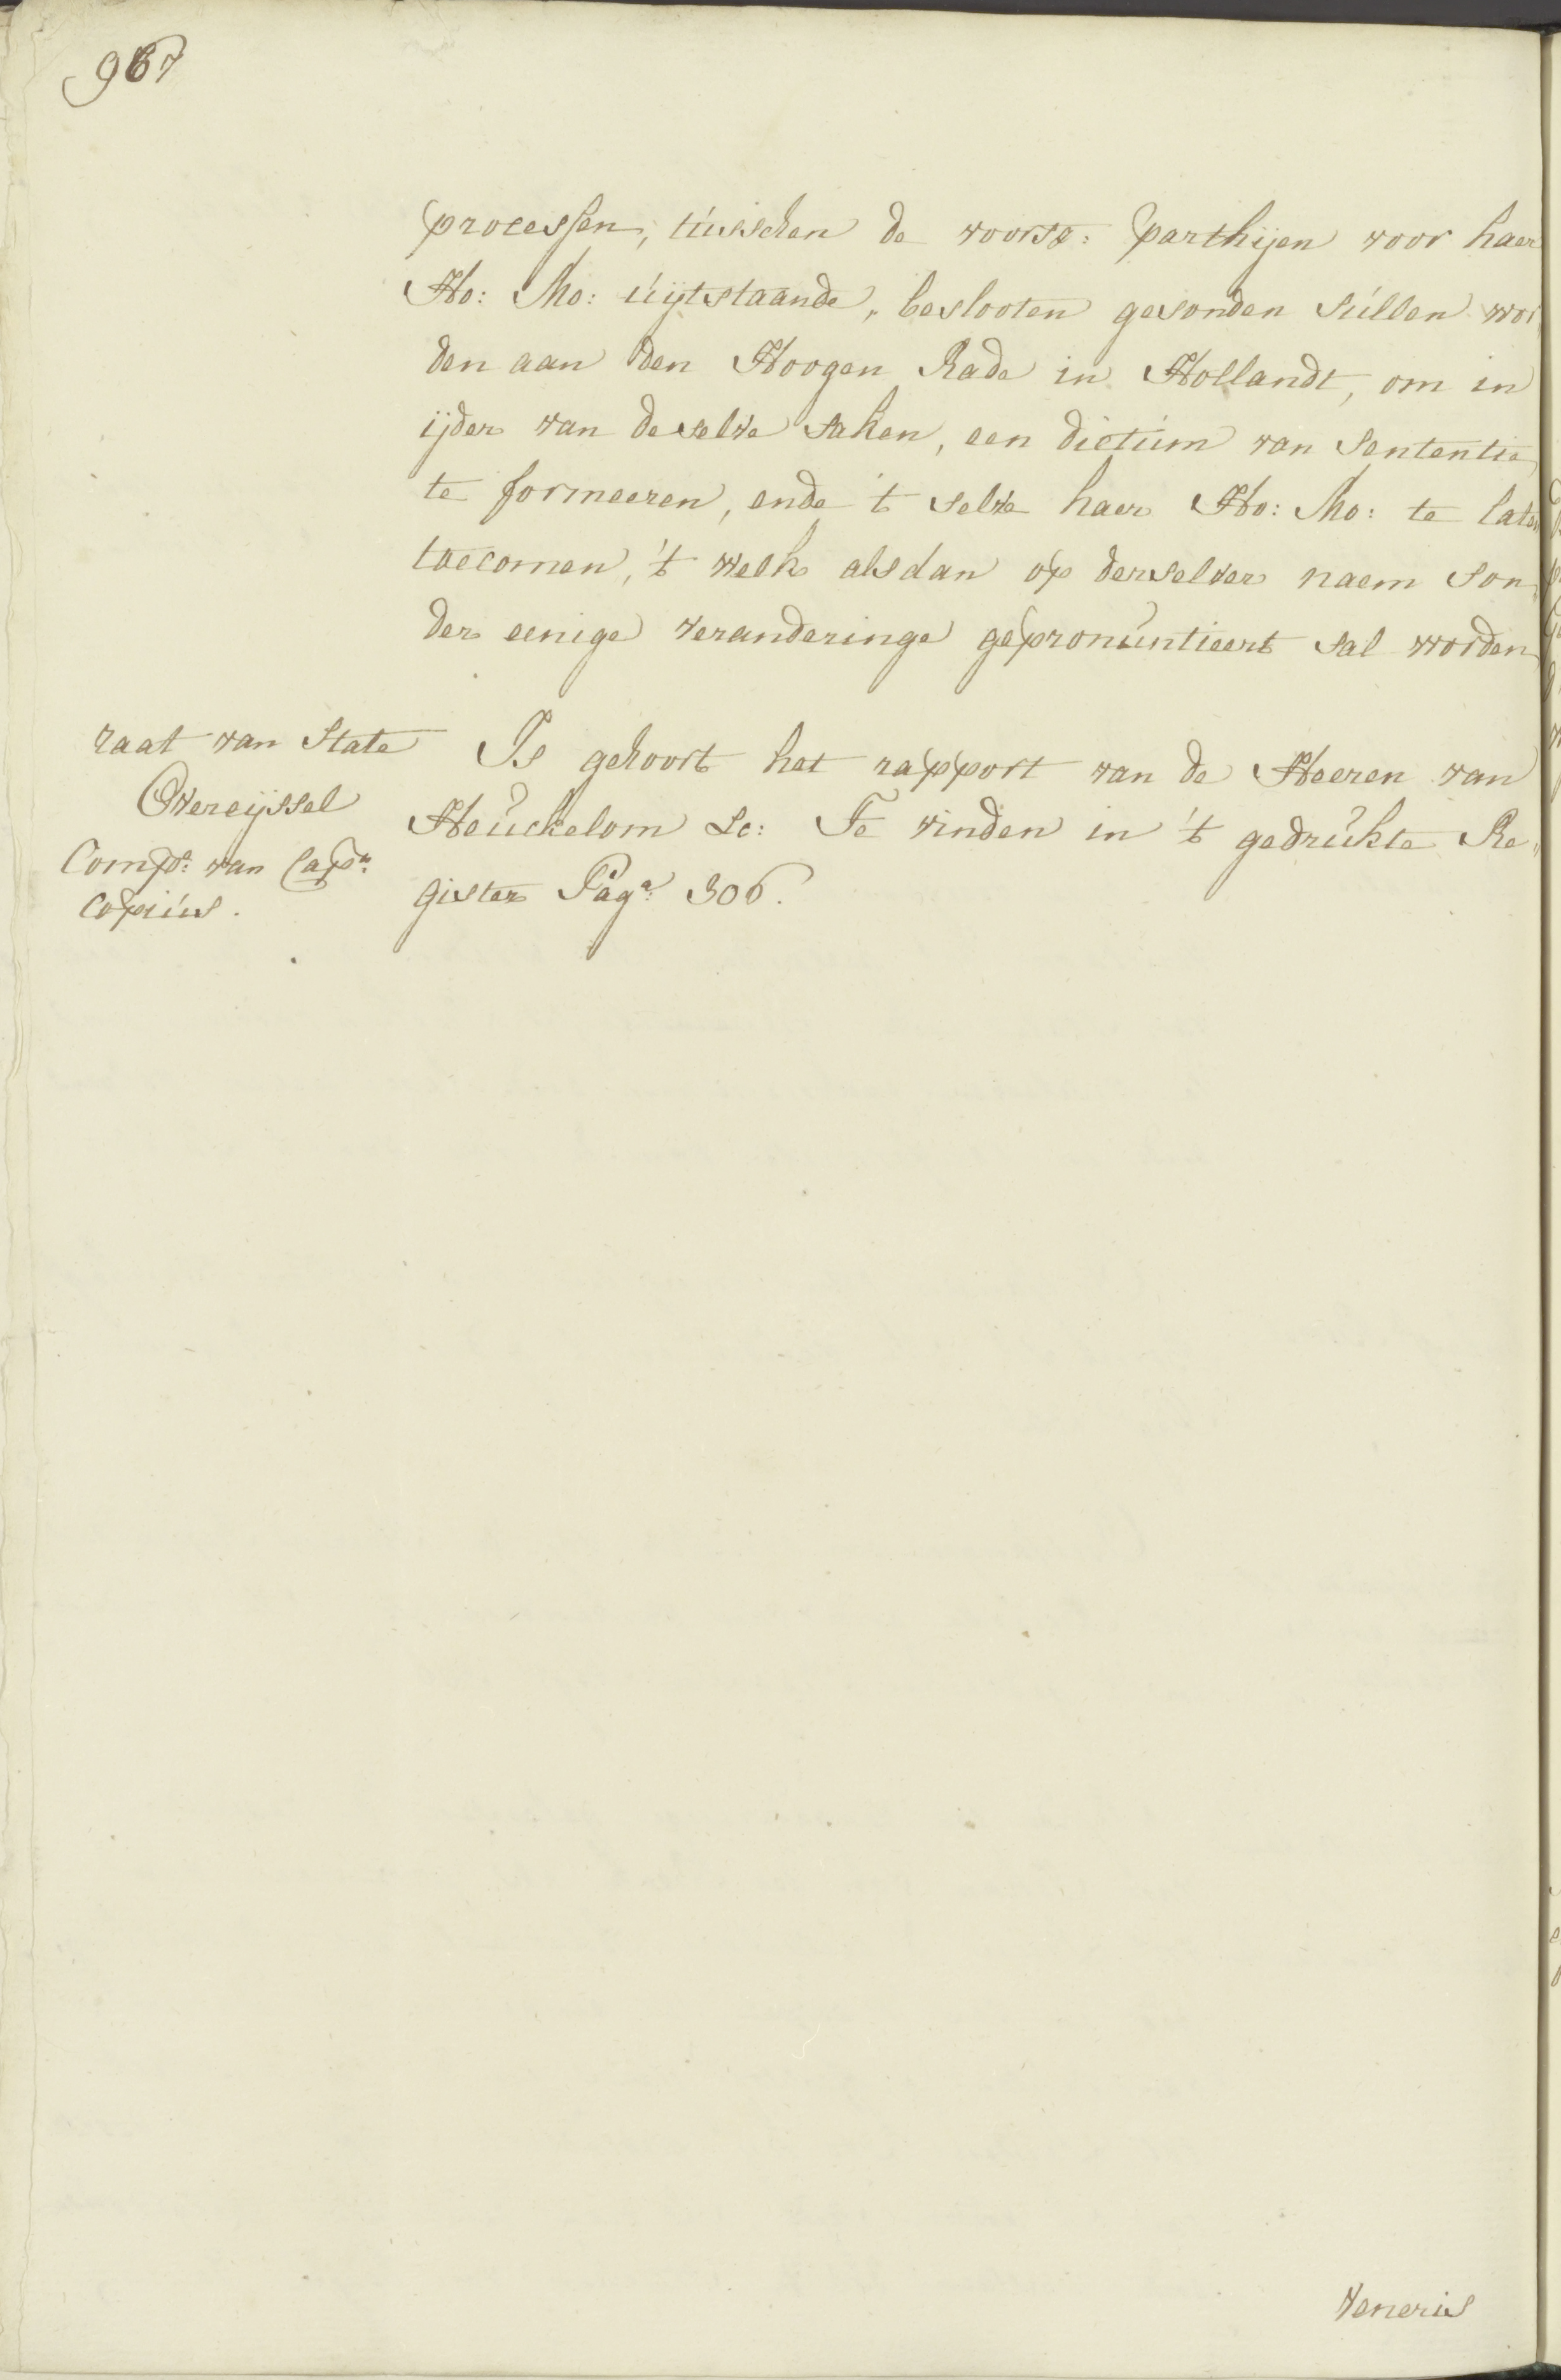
967
processen, tusschen de voorsz. parthijen voor haer
Ho:Mo: uijtstaande, beslooten gesonden sullen wor
den aan den Hoogen Rade in Hollandt, om in
ijder van de selve saken, een dictum van sententie
te formeeren, ende 't selve haer Ho:Mo: te laten
toecomen, 't welk alsdan op derselver naem son
der eenige veranderinge gepronuntieert sal worden
raat van State
Overeijssel
Compe: van Capn.
Copius
Is gehoort het rapport van de Heeren van
Houckelom & Te vinden in 't gedrukte Re„
gister Paga: 306.
Veneris
